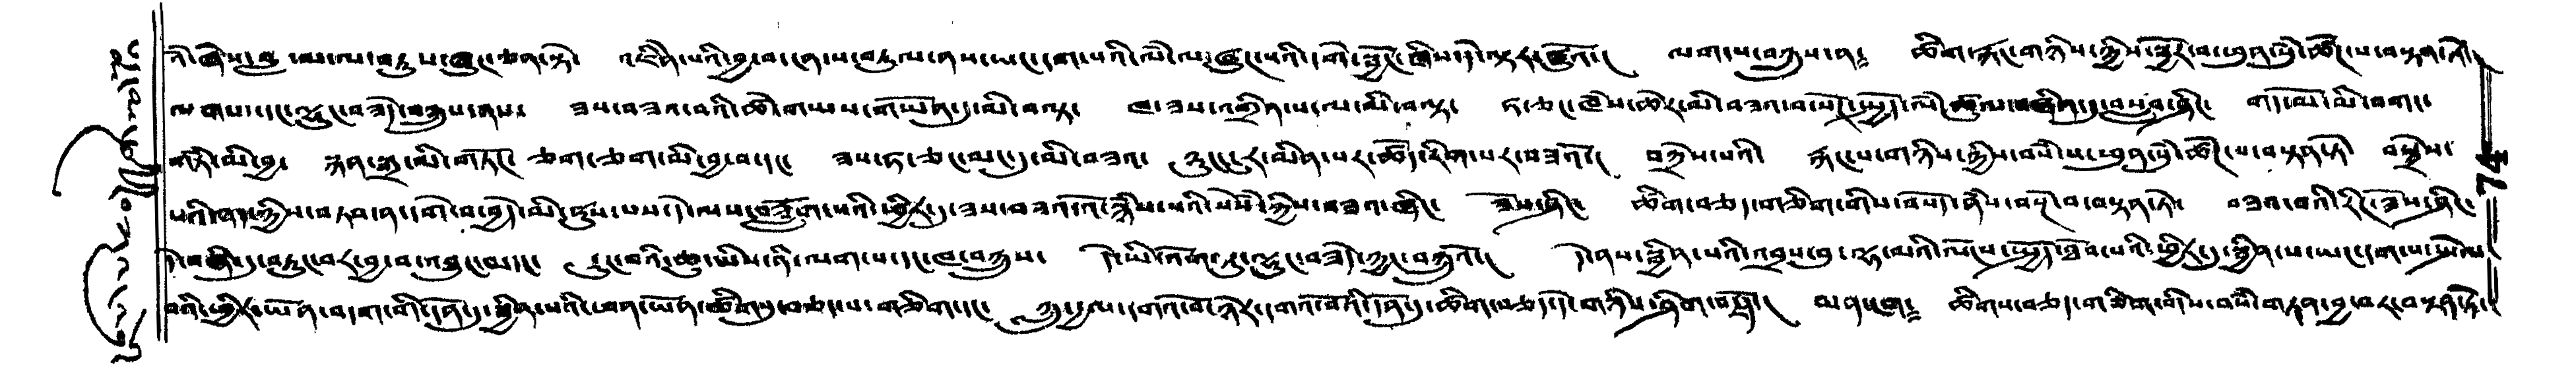འམ་ཞེས་བླ་མ་ལ་བརྟུལ་ཞུགས་ཅན་སྟེ། འཇིག་རྟེན་པའི་བྱ་བ་ངན་པ་བརྟུལ་ནས་ཡང་དག་པའི་ལམ་ལ་ཞུགས་པའི་དགེ་སྦྱོང་གིས་དེ་ལྟར་ཞུའོ། ལག་པ་བཀྲུས༴ ཚིག་རྐང་གཉིས་ཀྱིས་སྦྱོར་བ་ཕུན་སུམ་ཚོགས་པ་བསྟན་ཏེ། 
ལག་པ་དང་ལྷུང་བཟེས་བཀྲུས་ནས། ཟས་བཟའ་བའི་ཚེ་གཡས་གཡོན་དུ་མི་བལྟ། ཁ་ཟས་འགྲིན་པ་ལ་མི་བལྟ། ཧ་ཅང་ཁམས་ཆེར་མི་བཟའ་བ་སོགས་སྤྱོད་ལམ་ཚུལ་བཞིན་དུ་བསླབ་ཅིང་། གད་མོ་མི་བགད། 
གཏམ་མི་བྱ། སྐན་སྒྲ་མི་གཏོག ཅག་ཅག་མི་བྱ་བ་དང་། ཟས་ཧ་ཅང་མང་དུ་མི་བཟའ། ཉུང་ངུ་མིན་པ་ཚོད་རིག་པར་བཟའོ། བཀྲེས་པའི༴ རྐང་བ་གཉིས་ཀྱིས་བསམ་པ་ཕུན་སུམ་ཚོགས་པ་བསྟན་ཏེ། བཀྲེས་
པའི་ནད་ཀྱིས་བཏབ་ན་དགེ་བ་བྱེད་མི་ནུས་པས་དེ་ལས་བཟློག་པའི་ཕྱིར་དུ་ཟས་བཟའ་འོ་སྙམ་པའི་སེམས་ཀྱིས་བཟའ་ཞིང་། ཟོས་ཤིང༴ ཚིགས་བཅད་གཅིག་གིས་བསོད་ནམས་བསྔོ་བ་བསྟན་ཏེ། བཟའ་བའི་རིགས་ཟོས་ཤིང་
དེ་བཞིན་དུ་བཏུང་བར་བྱ་བ་འཐུངས་བ་དང་། རུང་བའི་ཆུ་ཡིས་ནི་ལག་པ་དང་ཁ་བཀྲུས། དེ་ཡི་འོག་ཏུ་ལྷུང་བཟེད་ཀྱང་བཀྲུའོ། དེ་ནས་སྦྱིན་པའི་འབྲས་བུ་ལྷ་མིའི་ལོངས་སྤྱོད་ཐོབ་པའི་ཕྱིར་དུ་སྦྱིན་པ་ཡང་དག་པ་སྤེལ་
བའི་ཕྱིར་ཡོན་བདག་གི་དོན་དུ་སྦྱིན་པའི་ཕན་ཡོན་ཚིགས་སུ་བཅད་པ་གཅིག་དང་། ཀླུ་རྒྱལ་དགའ་བོ་ཉེ་དགའ་བོའི་དོན་དུ་ཚིགས་བཅད་དེ་གཉིས་ཤིག་བརྗོད། མན་ངག་ཚིགས་བཅད་གཅིག་གིས་བསམ་གཏན་བྱ་བར་བསྟན་ཏེ།